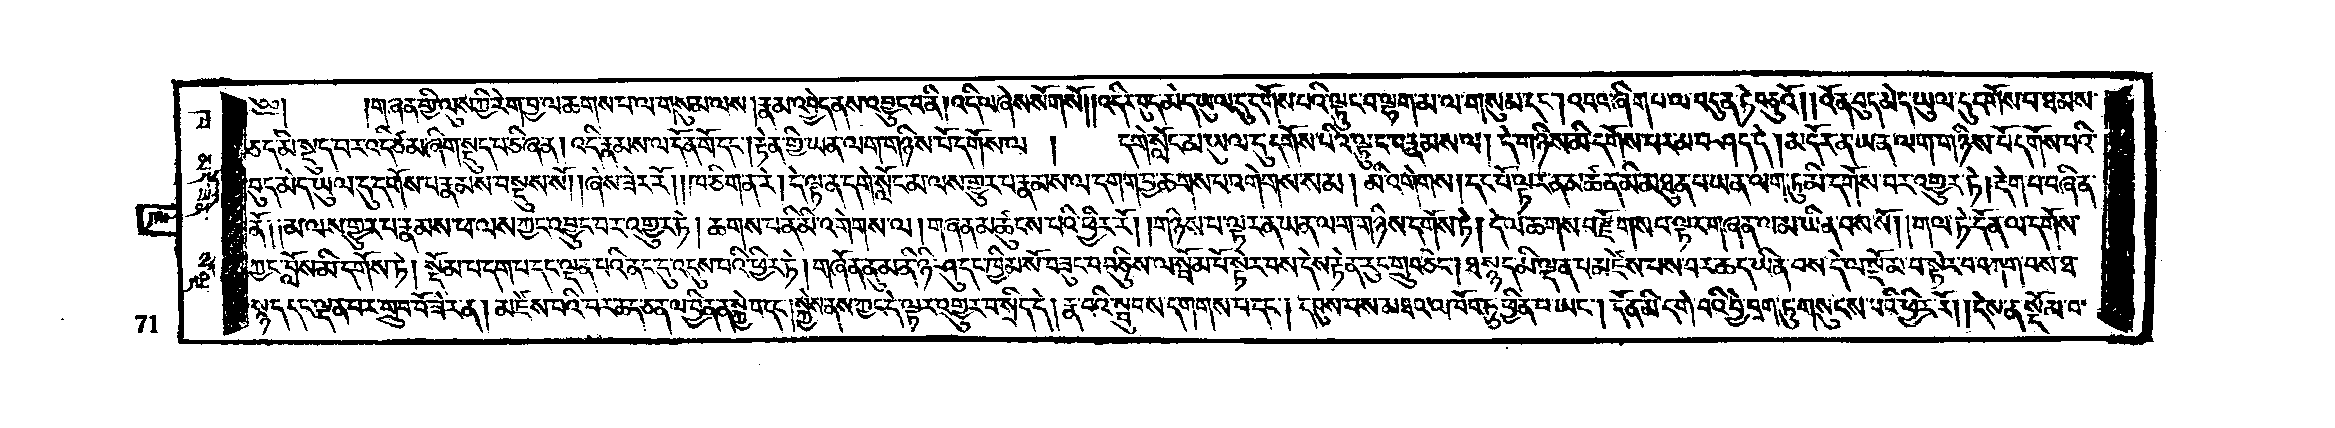༄༅། །གཞན་གྱི་ལུས་ཀྱི་རེག་བྱ་ལ་ཆགས་པ་ལ་གསུམ་ལས། རྣམ་འབྱེད་ནས་འབྱུང་བ་ནི། འདི་ལ་ཞེས་སོགས་སོ། །འདིར་བུད་མེད་ཡུལ་དུ་དགོས་པའི་ལྟུང་བ་ལྷག་མ་ལ་གསུམ་དང་། འབའ་ཞིག་པ་ལ་བདུན་ཏེ་བཅུའོ། །འོ་ན་བུད་མེད་ཡུལ་དུ་དགོས་པ་ཐམས་
ཅད་མི་སྡུད་པར་འདི་ཙམ་ཞིག་སྡུད་པ་ཅི་ཞེ་ན། འདི་རྣམས་ལ་དོན་གོ་དང་། རྟེན་གྱི་ཡན་ལག་གཉིས་པོ་དགོས་ལ། དགེ་སློང་མ་ཡུལ་དུ་དགོས་པའི་ལྟུང་བ་རྣམས་ལ། དེ་གཉིས་མི་དགོས་པར་མ་བཤད་དེ། མདོར་ན་ཡན་ལག་གཉིས་པོ་དགོས་པའི་
བུད་མེད་ཡུལ་དུ་དགོས་པ་རྣམས་བསྡུས་སོ། །ཞེས་ཟེར་རོ། །ཁ་ཅིག་ན་རེ། དེ་ལྟ་ན་དགེ་སློང་མ་ལས་གྱུར་པ་རྣམས་ལ་དགག་བྱ་ཆགས་པ་འགེགས་སམ། མི་འགེགས། དང་པོ་ལྟར་ན་མཚན་མི་མཐུན་པ་ཡན་ལག་ཏུ་མི་དགོས་པར་འགྱུར་ཏེ། རྡེག་པ་བཞིན་
ནོ༑ ༑མ་ལས་གྱུར་པ་རྣམས་ཕ་ལས་ཀྱང་འབྱུང་བར་འགྱུར་ཏེ། ཆགས་པ་ནི་མི་འགེགས་ལ། གཞན་མཚུངས་པའི་ཕྱིར་རོ། །གཉིས་པ་ལྟར་ན་ཡན་ལག་གཉིས་དགོས་ཏེ། དེ་ལ་ཆགས་པ་རྫོགས་པ་ལྟར་གཞན་ལ་མ་ཡིན་པས་སོ། །གལ་ཏེ་དོན་ལ་དགོས་
ཀྱང་བློས་མི་དགོས་ཏེ། སྡོམ་པ་དག་པ་དང་ལྡན་པའི་ནང་དུ་འདུས་པའི་ཕྱིར་ཏེ། གཞོན་ནུ་མ་ནི་ཉི་ཤུ་དང་ཁྱིམ་སོ་བཟུང་བ་བཅུ་གཉིས་ལ་སྦོམ་པོ་སྟེར་བས་དེས་རྟེན་རུང་གྲུབ་ཅིང་། ཐ་སྙད་མི་ལྡན་པ་མཛེས་པས་བར་ཆད་ཡིན་པས་དེ་ལ་སྡོམ་པ་སྟེར་བ་བཀག་པས་ཐ་
སྙད་དང་ལྡན་པར་གྲུབ་བོ་ཟེར་ན། མཛེས་པའི་བར་ཆད་ཅན་ལ་བྱིན་ན་སྐྱེ་བ་དང་། སྐྱེས་ནས་ཀྱང་དེ་ལྟར་འགྱུར་བ་སྲིད་དེ། རྣ་བའི་སྦུབས་དགགས་པ་དང་། དབུས་པས་མཐའ་འཁོབ་ཏུ་ཕྱིན་པ་ཡང་། དོན་མི་དགེ་བའི་བྱེ་བྲག་ཏུ་གསུངས་པའི་ཕྱིར་རོ། །དེས་ན་སྡོམ་པ་